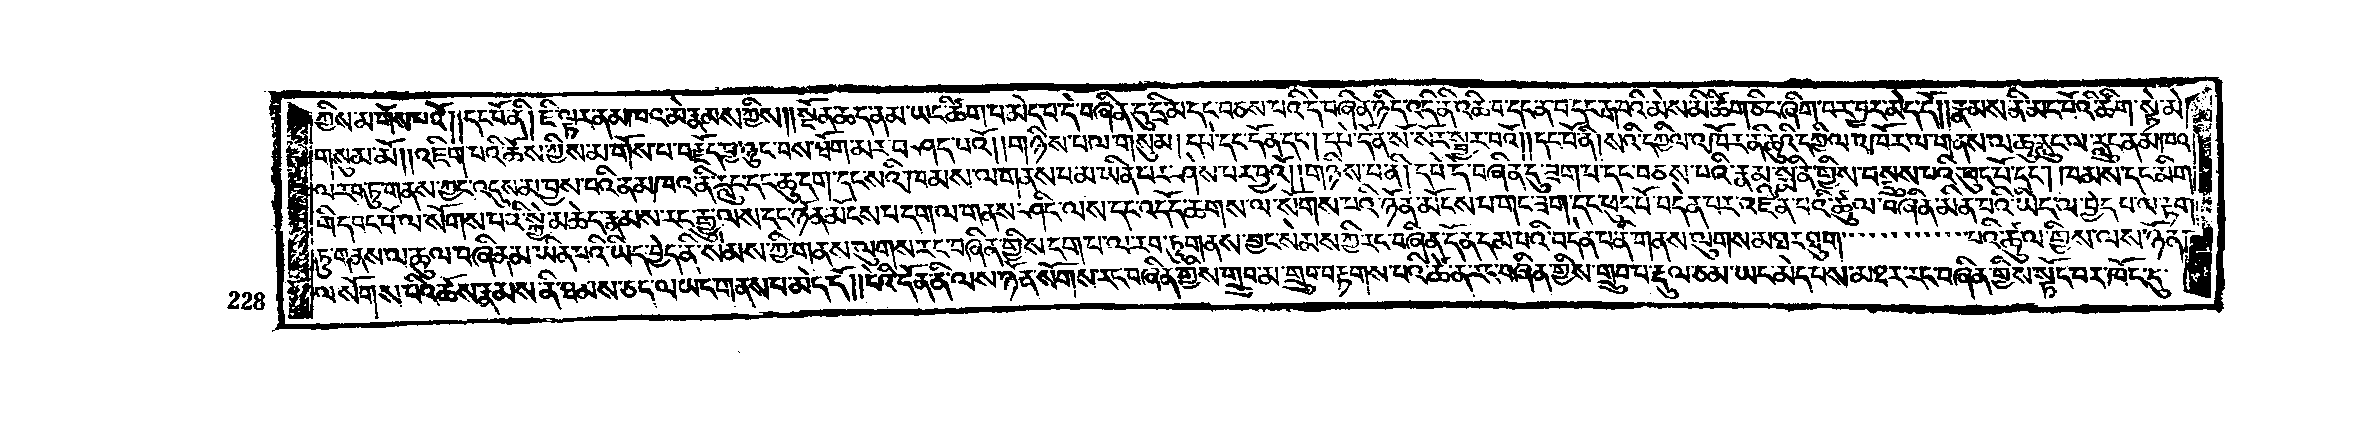ཀྱིས་མ་གོས་པའོ། །དང་པོ་ནི། ཇི་ལྟར་ནམ་མཁའ་མེ་རྣམས་ཀྱིས། །སྔོན་ཆད་ནམ་ཡང་ཚིག་པ་མེད་པ་དེ་བཞིན་དུ་དྲི་མ་དང་བཅས་པའི་དེ་བཞིན་ཉིད་འདི་ནི་འཆི་བ་དང་ན་བ་དང་རྒ་བའི་མེས་མི་ཚིག་ཅིང་ཞིག་པར་བྱར་མེད་དོ། །རྣམས་ནི་མང་པོའི་ཚིག་སྟེ་མེ་
གསུམ་མོ། །འཇིག་པའི་ཆོས་ཀྱིས་མ་གོས་པ་བརྗོད་བྱ་ཉུང་བས་ཐོག་མར་བཤད་པའོ། །གཉིས་པ་ལ་གསུམ། དཔེ་དང་དོན་དང་། དཔེ་དོན་སོ་སོར་སྦྱར་བའོ། །དང་པོ་ནི། སའི་དཀྱིལ་འཁོར་ནི་ཆུའི་དཀྱིལ་འཁོར་ལ་གནས་ལ་ཆུ་རླུང་ལ་རླུང་ནམ་མཁའ་
ལ་རབ་ཏུ་གནས་ཀྱང་འདུས་མ་བྱས་པའི་ནམ་མཁའ་ནི་རླུང་དང་ཆུ་དག་དང་སའི་ཁམས་ལ་གནས་པ་མ་ཡིན་པར་ཤེས་པར་བྱའོ། །གཉིས་པ་ནི། དཔེ་དེ་བཞིན་དུ་ཟག་པ་དང་བཅས་པའི་རྣམ་སྨིན་གྱིས་བསྡུས་པའི་ཕུང་པོ་དང་། ཁམས་དང་མིག་
གི་དབང་པོ་ལ་སོགས་པའི་སྐྱེ་མཆེད་རྣམས་རང་རྒྱུ་ལས་དང་ཉོན་མོངས་པ་དག་ལ་གནས་ཤིང་ལས་དང་འདོད་ཆགས་ལ་སོགས་པའི་ཉོན་མོངས་པ་གང་ཟག་དང་ཕུང་པོ་བདེན་པར་འཛིན་པའི་ཚུལ་བཞིན་མིན་པའི་ཡིད་ལ་བྱེད་པ་ལ་རྟག་
ཏུ་གནས་ལ་ཚུལ་བཞིན་མ་ཡིན་པའི་ཡིད་བྱེད་ནི་སེམས་ཀྱི་གནས་ལུགས་རང་བཞིན་གྱིས་དག་པ་ལ་རབ་ཏུ་གནས་བྱང་སེམས་ཀྱི་རང་བཞིན་དོན་དམ་པའི་བདེན་པ་ནི་གནས་ལུགས་མཐར་ཐུག་པའི་ཚུལ་གྱིས་ལས་ཉོན་
ལ་སོགས་པའི་ཆོས་རྣམས་ནི་ཐམས་ཅད་ལ་ཡང་གནས་པ་མེད་དོ། །དེའི་དོན་ནི་ལས་ཉོན་སོགས་རང་བཞིན་གྱིས་གྲུབ་མ་གྲུབ་བརྟགས་པའི་ཚེ་ན་རང་བཞིན་གྱིས་གྲུབ་པ་རྡུལ་ཙམ་ཡང་མེད་པས་མཐར་རང་བཞིན་གྱིས་སྟོང་བར་ཁོང་དུ་